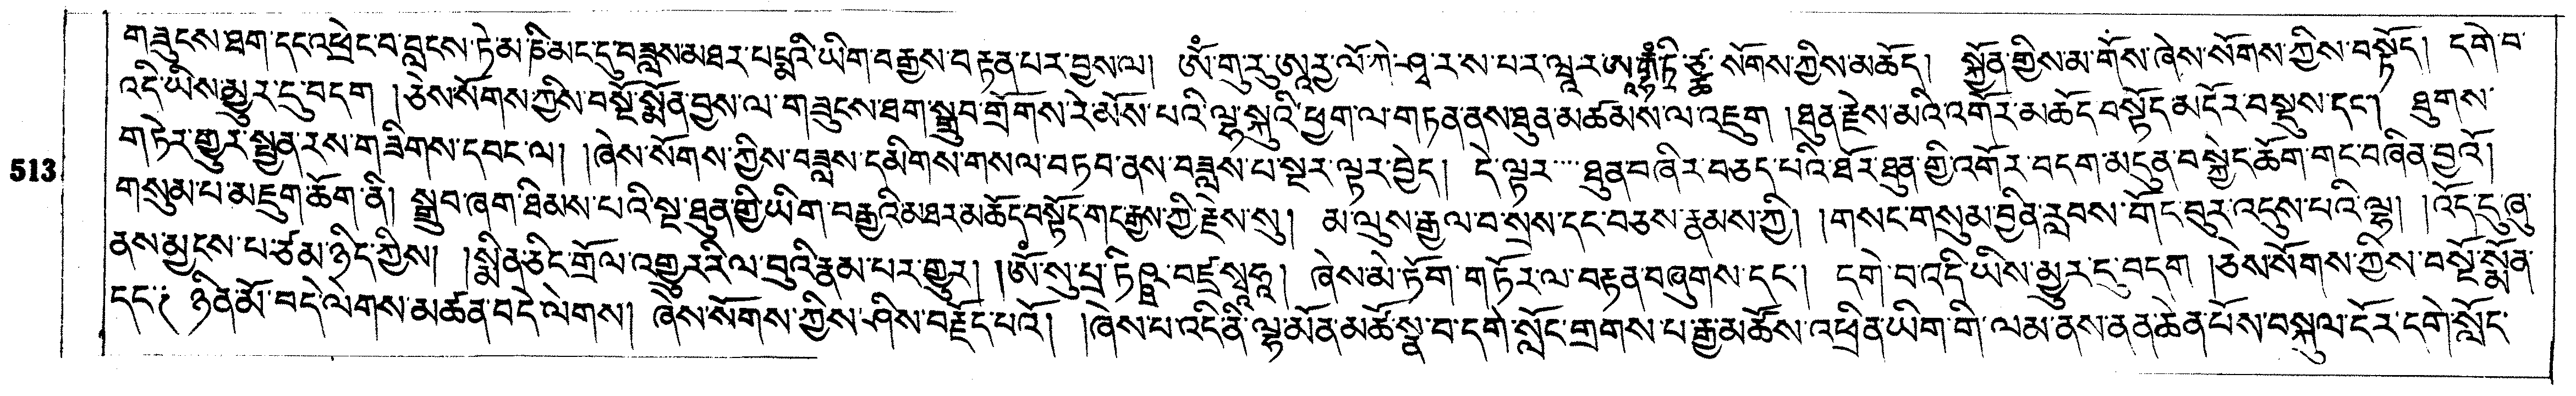གཟུངས་ཐག་དང་འཕྲེང་བ་བླངས་ཏེ་མ་ཎི་མང་དུ་བཟླས་མཐར་པདམའི་ཡིག་བརྒྱས་བརྟན་པར་བྱས་ལ། ཨོཾ་གུ་རུ་ཨཱརྱ་ལོ་ཀེ་ཤྭ་ར་ས་པ་ར་ཝཱ་ར་ཨཱ་གྷཾ་ཏི་ཙྪ་སོགས་ཀྱིས་མཆོད། སྐྱོན་གྱིས་མ་གོས་ཞེས་སོགས་ཀྱིས་བསྟོད། དགེ་བ་
འདི་ཡིས་མྱུར་དུ་བདག །ཅེས་སོགས་ཀྱིས་བསྔོ་སྨོན་བྱས་ལ་གཟུངས་ཐག་སྒྲུབ་གྲོགས་རེ་མོས་པའི་ལྷ་སྐུའི་ཕྱག་ལ་གཏན་ནས་ཐུན་མཚམས་ལ་འཇུག །ཐུན་རྗེས་མའི་འགོར་མཆོད་བསྟོད་མདོར་བསྡུས་དང་། ཐུགས་
གཏེར་གྱུར་སྤྱན་རས་གཟིགས་དབང་ལ། །ཞེས་སོགས་ཀྱིས་བཟླས་དམིགས་གསལ་བཏབ་ནས་བཟླས་པ་སྔར་ལྟར་བྱེད། དེ་ལྟར་ཐུན་བཞིར་བཅད་པའི་ཐོར་ཐུན་གྱི་འགོར་བདག་མདུན་བསྐྱེད་ཆོག་གང་བཞིན་བྱའོ།
གསུམ་པ་མཇུག་ཆོག་ནི། སྒྲུབ་ཞག་ཐིམས་པའི་སྔ་ཐུན་གྱི་ཡིག་བརྒྱའི་མཐར་མཆོད་བསྟོད་གང་རྒྱས་ཀྱི་རྗེས་སུ། མ་ལུས་རྒྱལ་བ་སྲས་དང་བཅས་རྣམས་ཀྱི། །གསང་གསུམ་བྱིན་རླབས་གོང་བུར་འདུས་པའི་ལྷ། །འོད་དུ་ཞུ་
ནས་མྱངས་པ་ཙམ་ཉིད་ཀྱིས། །སྨིན་ཅིང་གྲོལ་འགྱུར་རིལ་བུའི་རྣམ་པར་གྱུར། །ཨོཾ་སུ་པྲ་ཏིཥྚྷ་བཛྲ་སྭཱཧཱ། ཞེས་མེ་ཏོག་གཏོར་ལ་བརྟན་བཞུགས་དང་། དགེ་བ་འདི་ཡིས་མྱུར་དུ་བདག །ཅེས་སོགས་ཀྱིས་བསྔོ་སྨོན་
དང༑ ཉིན་མོ་བདེ་ལེགས་མཚན་བདེ་ལེགས། ཞེས་སོགས་ཀྱིས་ཤིས་བརྗོད་པའོ། །ཞེས་པ་འདི་ནི་ལྷ་མོན་མཚོ་སྣ་བ་དགེ་སློང་གྲགས་པ་རྒྱ་མཚོས་འཕྲིན་ཡིག་གི་ལམ་ནས་ནན་ཆེན་པོས་བསྐུལ་ངོར་དགེ་སློང་